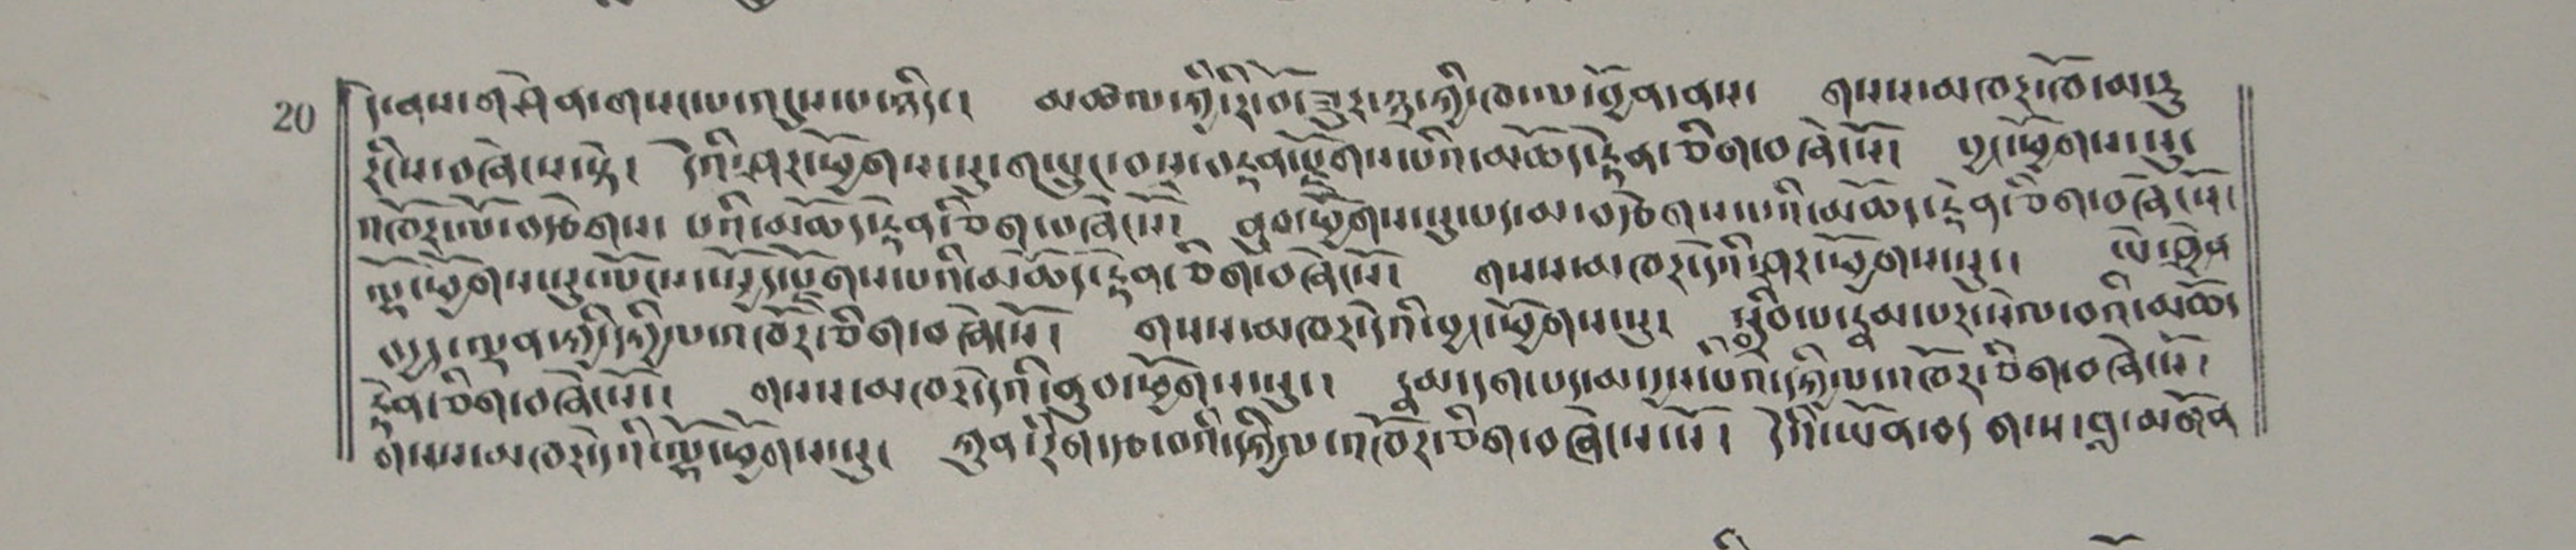དེ་ནས་གཤེན་གསང་བ་འདུས་བ་ཉིད། མཚལ་གྱི་རི་བོ་ཟུར་གསུམ་གྱི་ཁ་ལ་བྱོན་ནས། གསས་མཁར་ཁོ་མ་རུ་
རིངས་བཞེངས་ཏེ། །དེའི་ཤར་ཕྱོགས་སུ་གཡུང་དྲུང་སྲ་བརྟན་རྫོགས་པའི་མཆོད་རྟེན་ཅིག་བཞེངས་སོ། །བྱང་ཕྱོགས་སུ་
འཁོར་ལོ་བརྩེགས་པའི་མཆོད་རྟེན་ཅིག་བཞེངས་སོ། །ནུབ་ཕྱོགས་སུ་པད་མ་བརྩེགས་པའི་མཆོད་རྟེན་ཅིག་བཞེངས་སོ། །
ལྷོ་ཕྱོགས་སུ་ལོངས་སྤྱོད་རྫོགས་པའི་མཆོད་རྟེན་ཅིག་བཞེངས་སོ། །གསས་མཁར་དེའི་ཤར་ཕྱོགས་སུ་ཡེ་ཤེས་
བརྒྱད་ལྡན་གྱི་དཀྱིལ་འཁོར་ཅིག་བཞེངས་སོ། །གསས་མཁར་དེའི་བྱང་ཕྱོགས་སུ། སྒྲིབ་པ་རྣམ་པར་སེལ་བའི་མཆོད་
རྟེན་ཅིག་བཞེངས་སོ། །གསས་མཁར་དེའི་ནུབ་ཕྱོགས་སུ་རྣམ་དག་པད་མ་རྒྱས་པའི་དཀྱིལ་འཁོར་ཅིག་བཞེངས་སོ། །
གསས་མཁར་དེའི་ལྷོ་ཕྱོགས་སུ་ཀུན་རིག་རྩ་བའི་དཀྱིལ་འཁོར་ཅིག་བཞེངས་སོ། །དེའི་ཡོན་བདག་ས་བླ་མགོན་